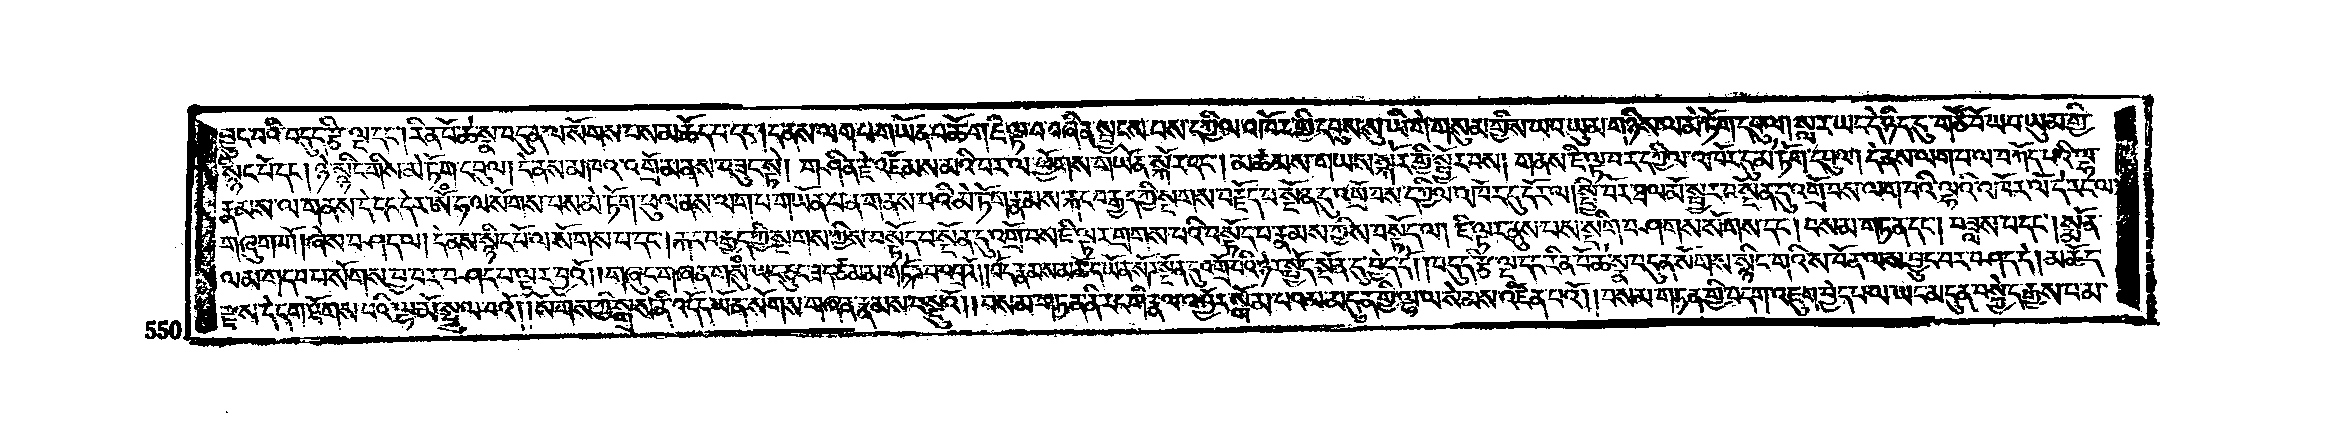བྱུང་བའི་བདུད་རྩི་ལྔ་དང་། རིན་པོ་ཆེ་སྣ་བདུན་ལ་སོགས་པས་མཆོད་པ་དང་། དེ་ནས་ལག་པ་གཡོན་པ་ཆོ་ག་ཇི་ལྟ་བ་བཞིན་སྦྱངས་པས་དཀྱིལ་འཁོར་གྱི་དབུས་སུ་ཡི་གེ་གསུམ་གྱིས་ཡབ་ཡུམ་གཉིས་ལ་མེ་ཏོག་དབུལ། སླར་ཡང་དེ་ཉིད་དུ་གཙོ་བོ་ཡབ་ཡུམ་གྱི་
སྙིང་པོ་དང་། ཉེ་སྙིང་གིས་མེ་ཏོག་དབུལ། དེ་ནས་མཁའ་འགྲོ་མ་ནས་བཟུང་སྟེ། གཤིན་རྗེ་འཇོམས་མའི་བར་ལ་ཕྱོགས་གཡོན་སྐོར་དང་། མཚམས་གཡས་སྐོར་གྱི་སྦྱོར་བས། གནས་ཇི་ལྟ་བར་དཀྱིལ་འཁོར་དུ་མེ་ཏོག་དབུལ། དེ་ནས་ལག་པ་ལ་བཀོད་པའི་ལྷ་
རྣམས་ལ་གནས་དེ་དང་དེར་ཨོཾ་ཧ་ལ་སོགས་པས་མེ་ཏོག་ཕུལ་ནས་ལག་པ་གཡོན་པ་ན་གནས་པའི་མེ་ཏོག་རྣམས་རྐང་བརྒྱད་ཀྱི་སྔགས་བརྗོད་པ་སྔོན་དུ་འགྲོ་བས་དཀྱིལ་འཁོར་དུ་དོར་ལ། སྤྱི་བོར་ཐལ་མོ་སྦྱར་བ་སྔོན་དུ་འགྲོ་བས་ལག་པའི་ལྷའི་འཁོར་ལོ་དེ་རང་ལ་
གཞུག་གོ །ཞེས་བཤད་ལ། དེ་ནས་སྙིང་པོ་ལ་སོགས་པ་དང་། རྐང་བརྒྱད་ཀྱི་སྔགས་ཀྱིས་བསྟོད་པ་སྔོན་དུ་འགྲོ་བས་ཇི་ལྟར་གྲགས་པའི་བསྟོད་པ་རྣམས་ཀྱིས་བསྟོད་ལ། ཇི་ལྟར་ནུས་པས་སྡིག་བཤགས་སོགས་དང་། བསམ་གཏན་དང་། བཟླས་པ་དང་། སྨོན་
ལམ་གདབ་པ་སོགས་བྱ་བར་བཤད་པ་ལྟར་བྱའོ། །གཞུང་གཞན་གསུམ་ཡང་ཅུང་ཟད་ཙམ་མ་གཏོགས་པ་འདྲའོ། །བོད་རྣམས་མཆོད་ཡོན་སོགས་སྔོན་དུ་འགྲོ་བའི་ཉེར་སྤྱོད་སྔོན་དུ་བྱེད་དོ། །བདུད་རྩི་ལྔ་དང་རིན་པོ་ཆེ་སྣ་བདུན་སོགས་སྙིང་གའི་ས་བོན་ལས་བྱུང་བར་བཤད་དེ། མཆོད་
རྫས་དེ་དག་ཐོགས་པའི་ལྷ་མོ་སྤྲུལ་བའོ། །སོགས་ཀྱི་སྒྲས་ནི་འདོད་ཡོན་སོགས་གཞན་རྣམས་བསྡུའོ། །བསམ་གཏན་ནི་རང་གི་རྣལ་འབྱོར་སྒོམ་པའམ་མདུན་གྱི་ལྷ་ལ་སེམས་འཛིན་པའོ། །བསམ་གཏན་གྱི་བདག་འཇུག་བྱེད་པ་ལ་སང་མདུན་བསྐྱེད་རྒྱས་པ་མ་